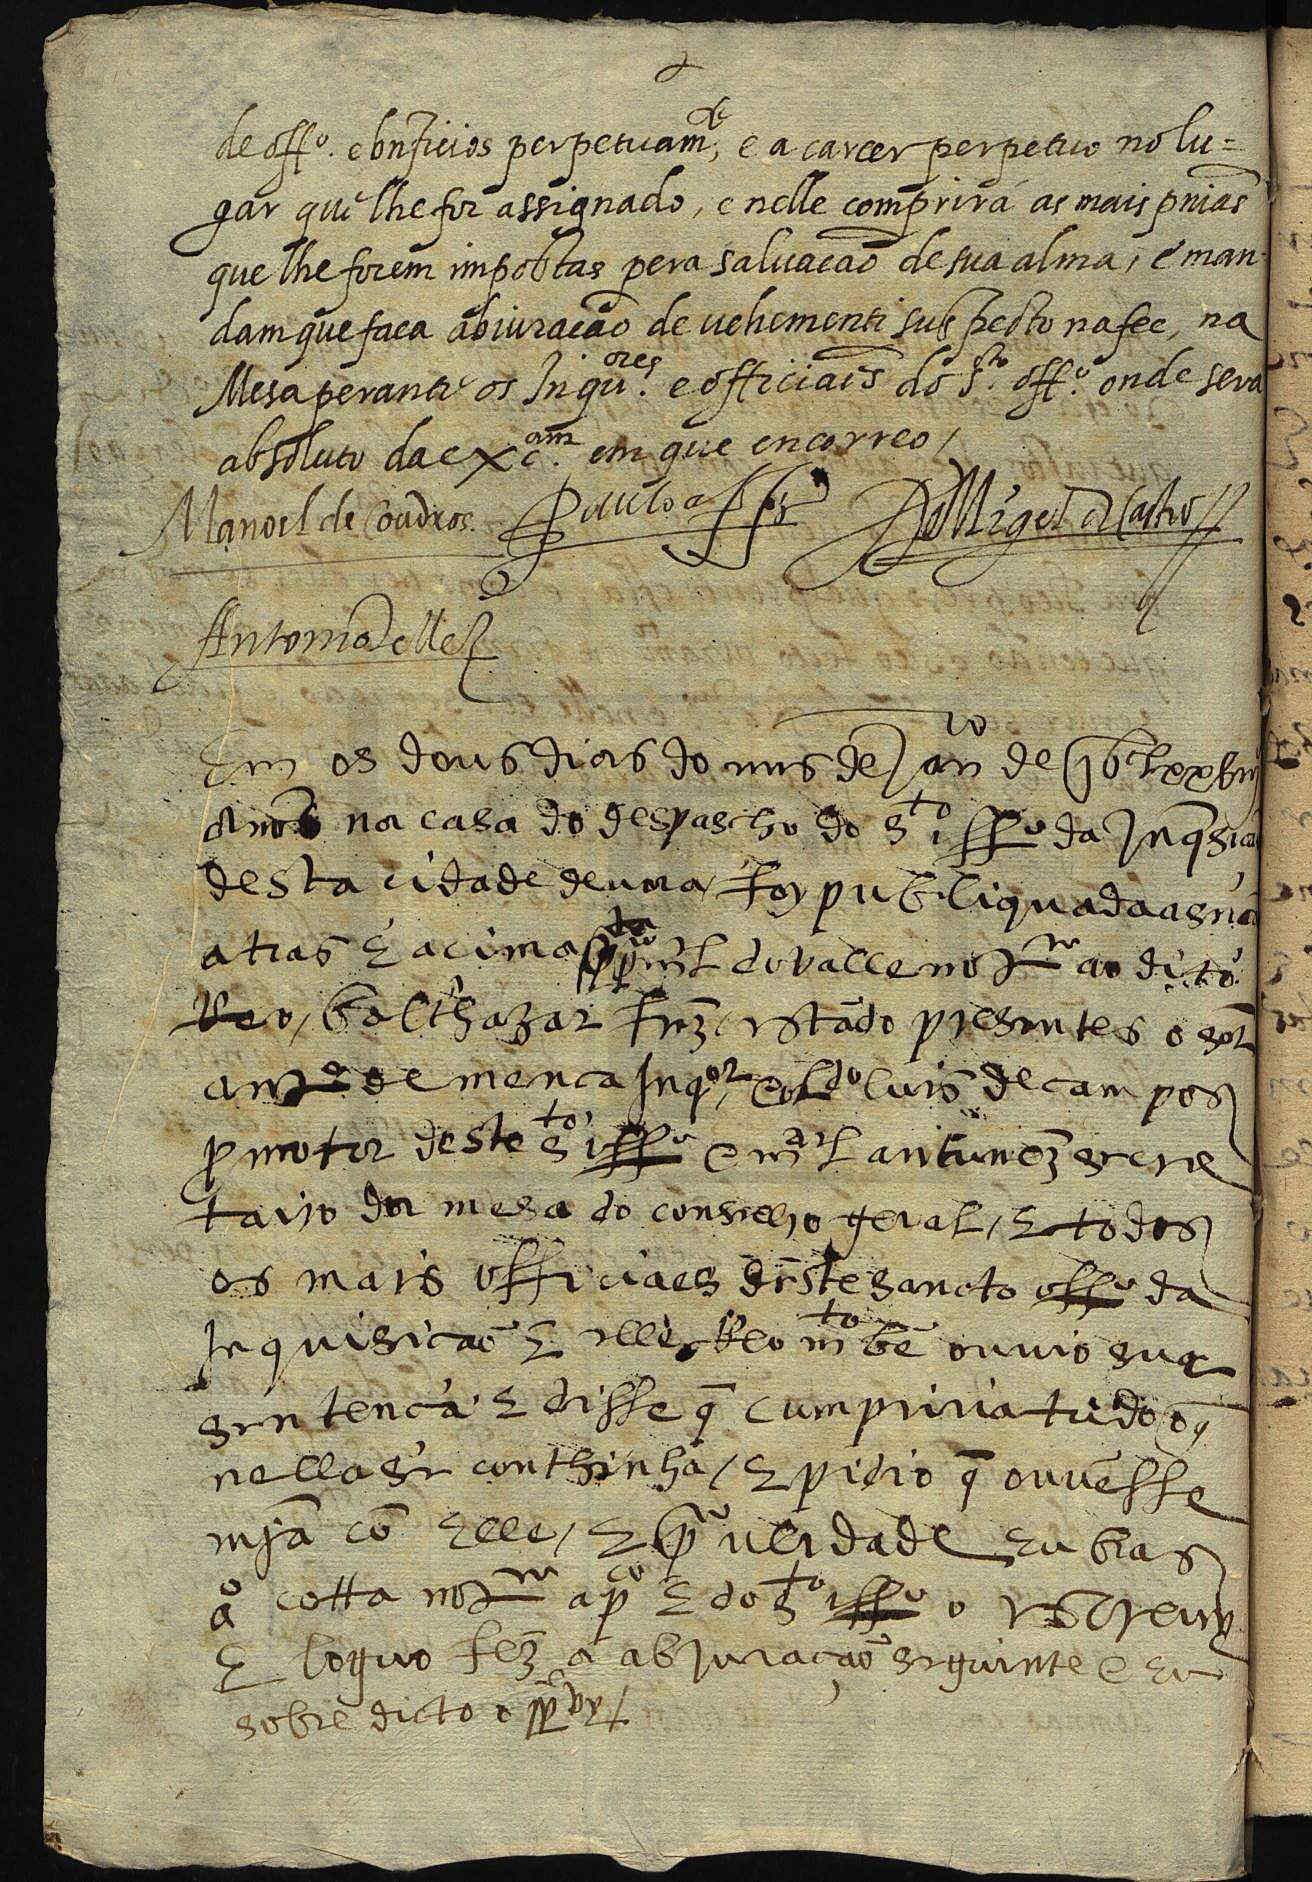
de offo. e bn̄ficios perpetuamte, e a carcer perpetuo no lu
gar que lhe for assignado, e nelle comprirá as mais pn̄ias
que lhe forem impostas pera saluação de sua alma, e man
dam que faça abiuração de uehementi suspecto na fee, na
Mesa perante os Inquores. e officiāes do scto. off.o onde sera
absoluto da exc.am em que encorreo /
Paulo afōso
Dō Migel d̄ Castro
Manoel de Coadros
Antonio tellez
Em os dous dias do mes de Janro de j̄ bcLxxbiij
Anōs na casa do despacho do sto. offo da Jnq̄siçã
desta cidade deuora / foy publiquada a snç
atras E acima p̄ta p̄o meL do valle notro ao dito
Reo / balthazar frz̄ / estādo presentes o sōr
anto de mença Jnqor, e o Ldo luis de campos
ꝓmotor deste sto offo e maeL antunez̄ secre
tairo da mesa do conselho geraL / E todos
os mais officiaes deste sancto offo da
Jnquisiçaõ E elle Reo mto bē ouuio sua
sentença E disse q̄ cumpriria tudo o q̄
nella se conthinha / E pidio q̄ ouuesse
mj̄a cō Elle / E p̄o uerdade Eu bras
ao cotta notro apco E do sto offo o escreuy
E loguo fez̄ a abjuraçaõ seguinte e Eu
sobredicto o sp̄vy /
